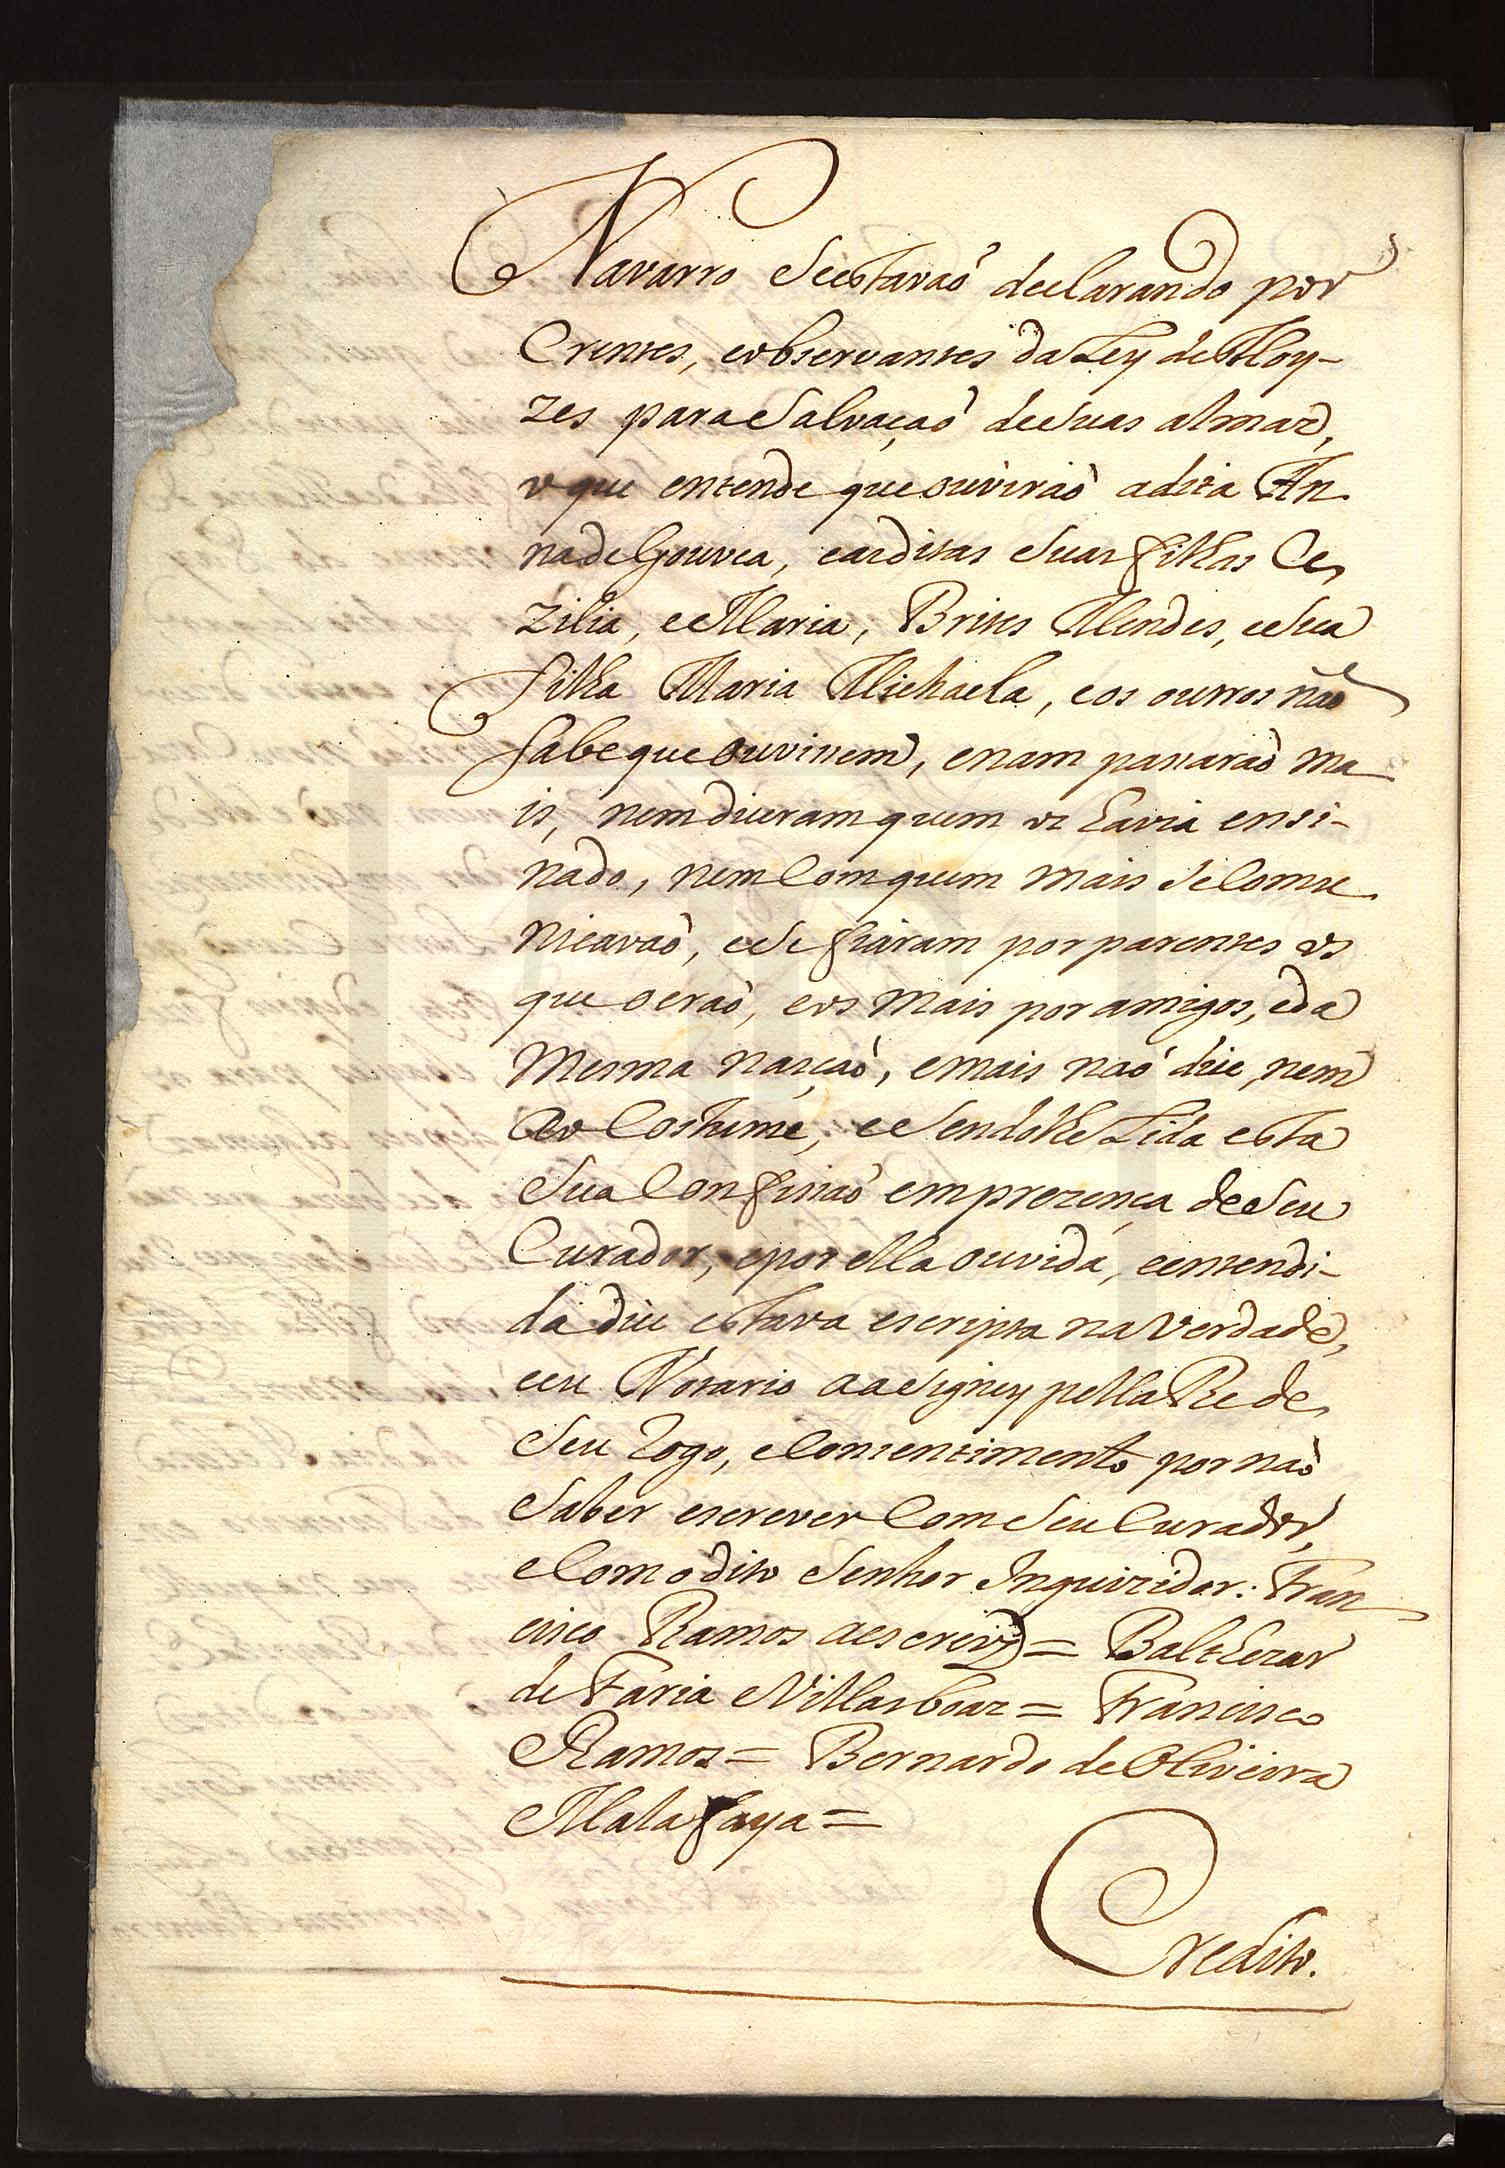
Navarro Se estavaõ declarando por
crentes, e observantes da Ley de Moy
zes para Salvaçaõ de suas almaz,
o que entende que ouviraõ a dita An
na de Gouvea, e as ditas suas filhas Ce
zilia, e Maria, Brites Mendes, e Sua
filha Maria Michaela, e os outros não
sabe que ouvissem, e nam passaraõ ma
is, nem diceram quem os havia ensi
nado, nem com quem mais se comu
nicavaõ, e se fiaram por parentes os
que o eraõ, e os mais por amigos, e da
mesma nasçaõ, e mais naõ dice, nem
ao costume, e sendolhe Lida esta
sua confissaõ em prezença de seu
Curador, e por ella ouvida, e entendi
da dice estava escripta na verdade,
e eu Notario a asigney pella Re de
Seu Rogo, e consentimento por naõ
saber escrever com Seu Curador,
e Com o dito Senhor Inquizidor: Fran
cisco Ramos o escrevj = Balthezar
de Faria e Villas boaz = Francisco
Ramos = Bernardo de Oliveira
Malafaya =
Credito.
